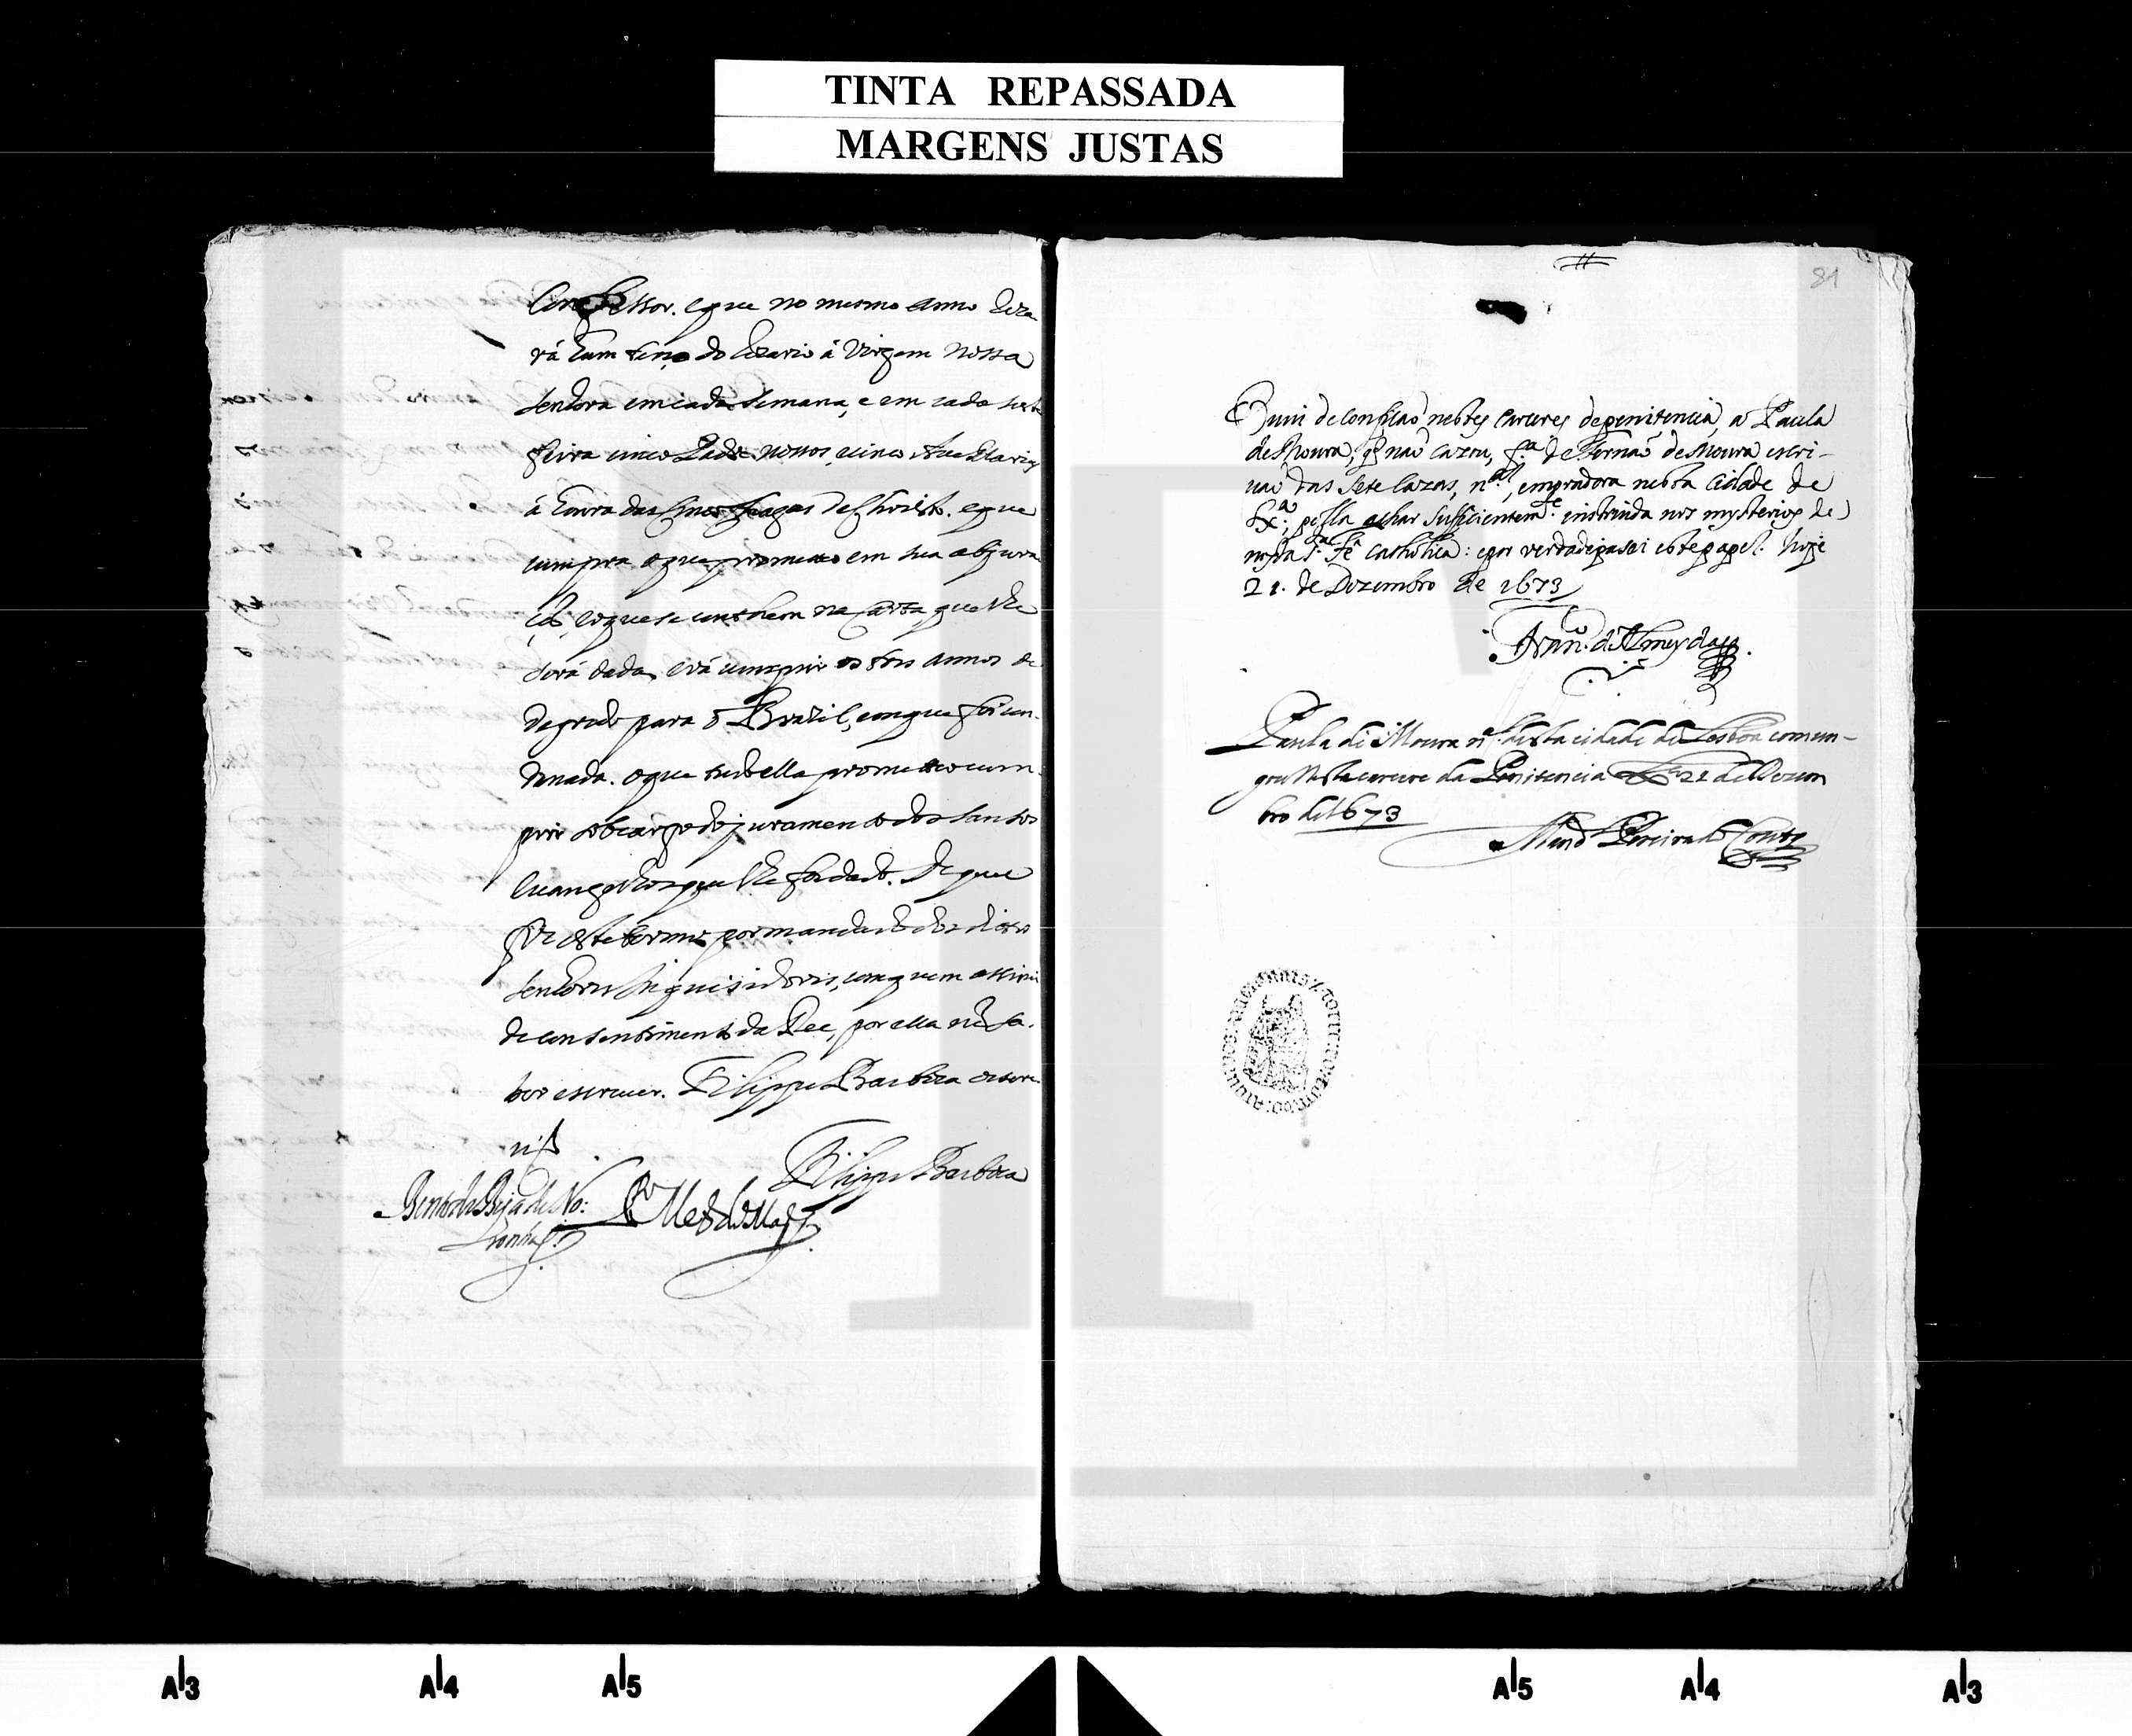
Confessor. e que no mesmo anno Reza
rá hum terço do Rozario á Virgem nossa
Senhora em cada semana, e em cada sesta
Ouui de confiçaõ nestes carceres de penitencia a Paula
de Moura, q̄ naõ cazou, f.a de Fernaõ de Moura escri
feira cinco Padre nossos, e cinco Aue Marias
uaõ das sete cazas, n.al, e moradora nesta cidade de
á honra das Cinco chagas de Christo. e que
Lxa; pella achar sufficientemte. instruida nos mysterios de
nossa sta Fe catholica: e por verdade pasei este papel. hoje
cumpra o que prometto em sua abjura
21. de Dezembro de 1673
çaõ, e o que se conthem na Carta, que lhe
Fran.co de Almeyda.
será dada erá cumprir os tres annos de
degredo para o Brazil, em que foi con
Paula de Moura n.al desta cidade de Lisboa comun
denada. o que tudo ella prometteo cum
gou nesta carcere da Penitencia Lxa 21 de Dezem
bro de 1673
prir sob cargo do juramento dos santos
ManoeL Pereira do Couto
euangelhos que lhe foi dado. De que
fiz este termo por mandado dos dictos
senhores Inquisidores, com quem assinei
de consentimento da Ree, por ella naõ sa
ber escreuer. Filippe Barboza o scre
ui.
Filippe Barboza
Bento de Beja de No
Po Mexa de Mages
ronha
